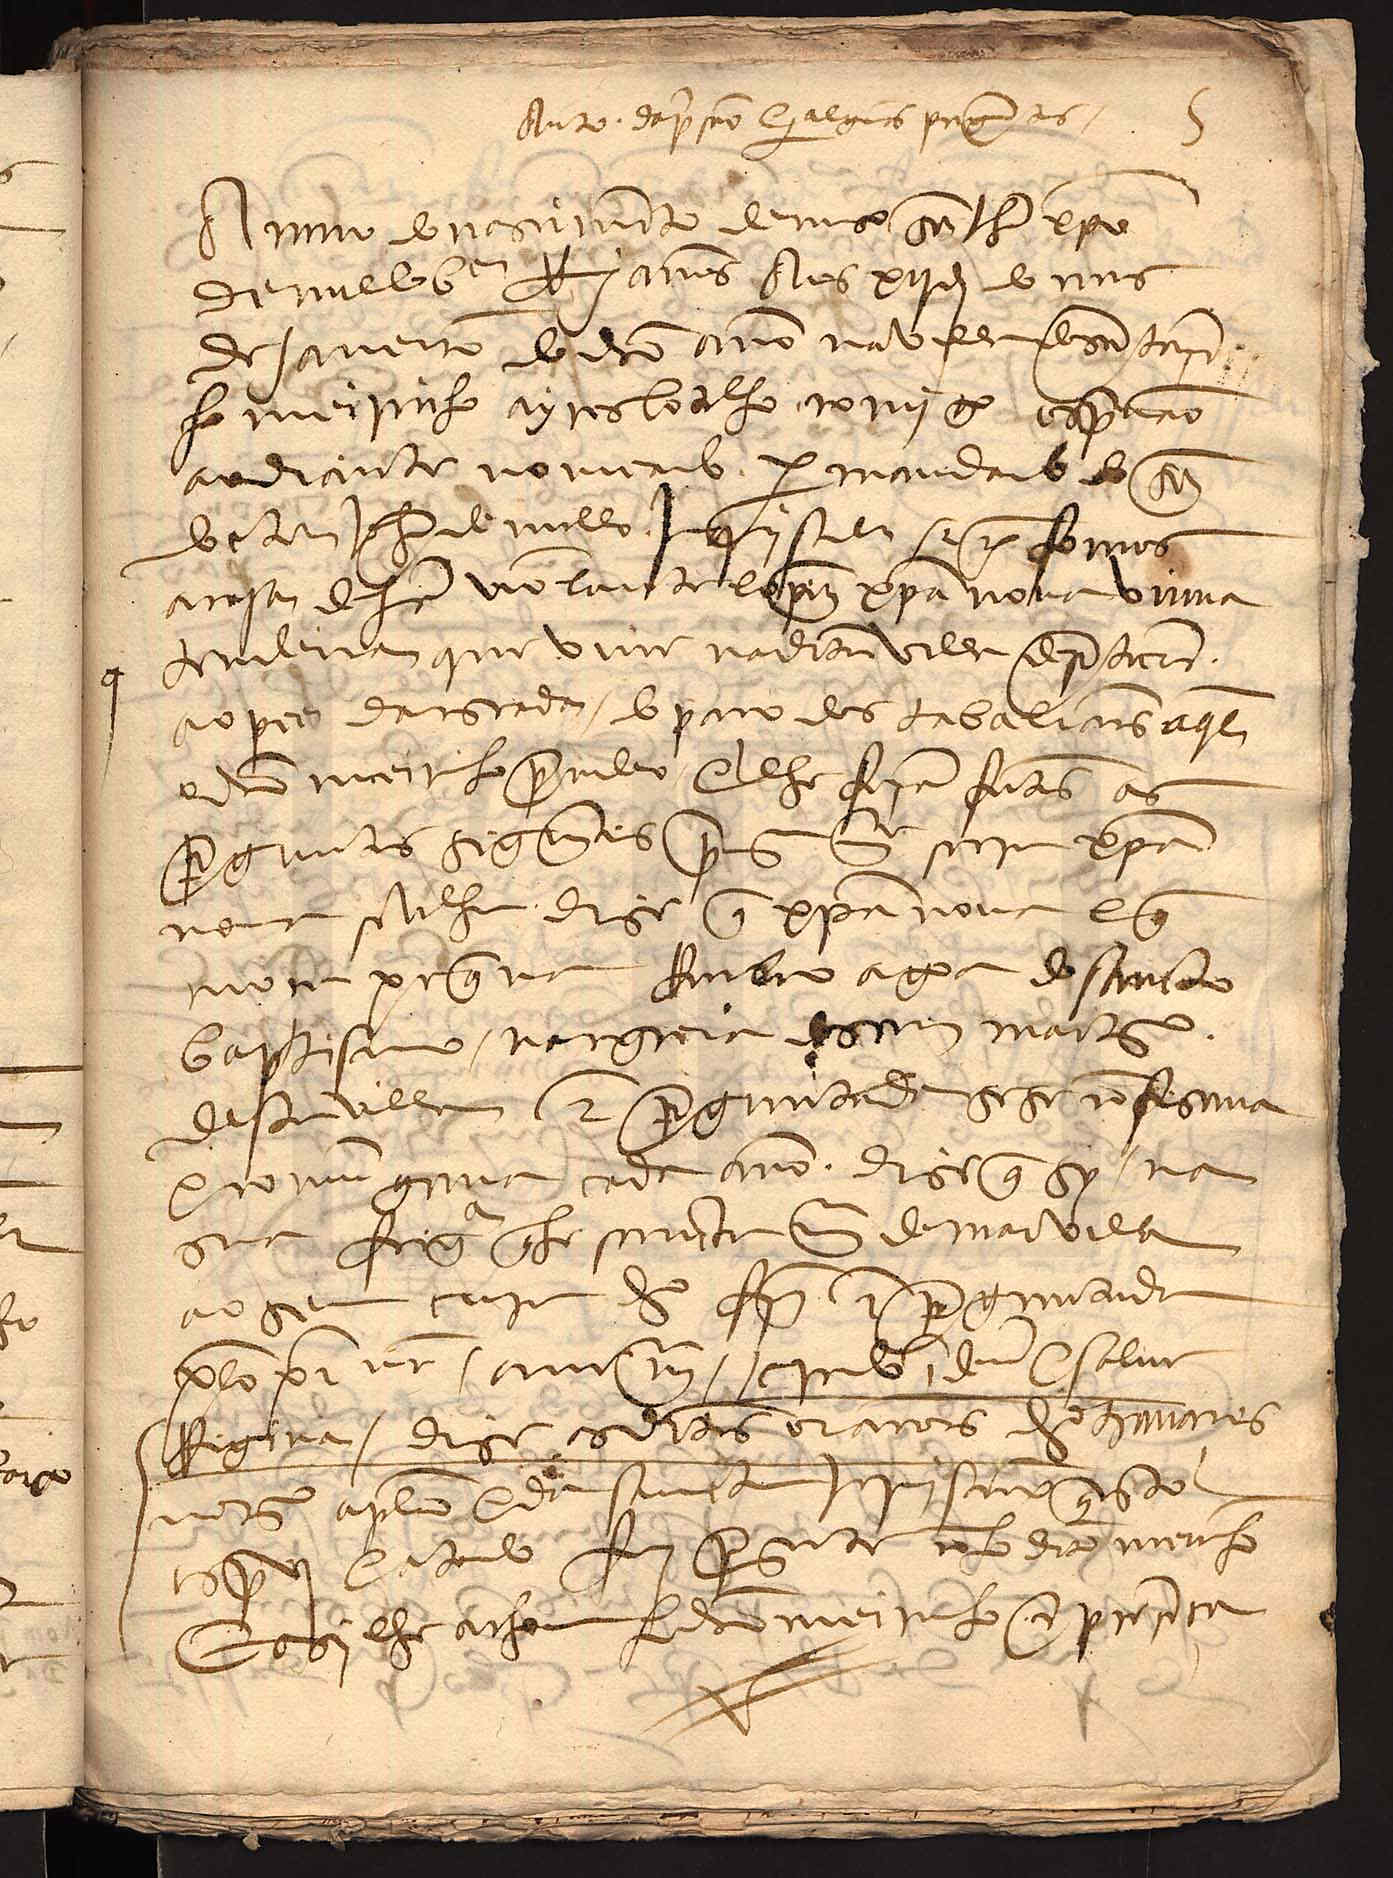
Auto. da p̄são e alguas pergūtas
Annno do nasimēto de noso s̄or Jho x̄po
de mll bc Rj an̄os Aos xij ds do mes
de Janeiro do dto an̄o na villa de sātarē
ho meirinho ayres botelho comjgo esp̄uão
ao diante nomeado ꝑ mandado do s̄or
doctor Johā de mello Jnqjsidor e p̄ fomos
a casa de hūa violante lop̄iz xp̄a noua viuua
tendeira que viue na dit̄a villa de sātarē.
ao pee da estrada / do paço dos tabaliāes a q̄l
o dt̄o meirinho p̄ndeo e lhe forā feit̄as as
p̄guntas seguītes p̄gūtou se era xp̄a
noua se velha dise q̄ xpā noua e q̄
noua porq̄ ela Reçebeo agoa do sancto
baptismo / na egreia de sam martō
desta villa item p̄guntada se se c̄ofesaua
e comūgaua cada an̄o. dise q̄ sy / na
sua frega q̄ he sancta m̄ de marvila
ao seu cura do fr̄z item p̄gumtada
p̄lo pī noso / ave m̄ / credo idem e salue
Regina / dise as ditas oracões do trauacos
notro apl̄o e da sancta Jnqjsiçã̄ q̄ isto
esp̄vj e a todo foj p̄sēte c̄o ho dito men̄ho
E asj lhe achou ho dt̄o meirinho ē presēça
